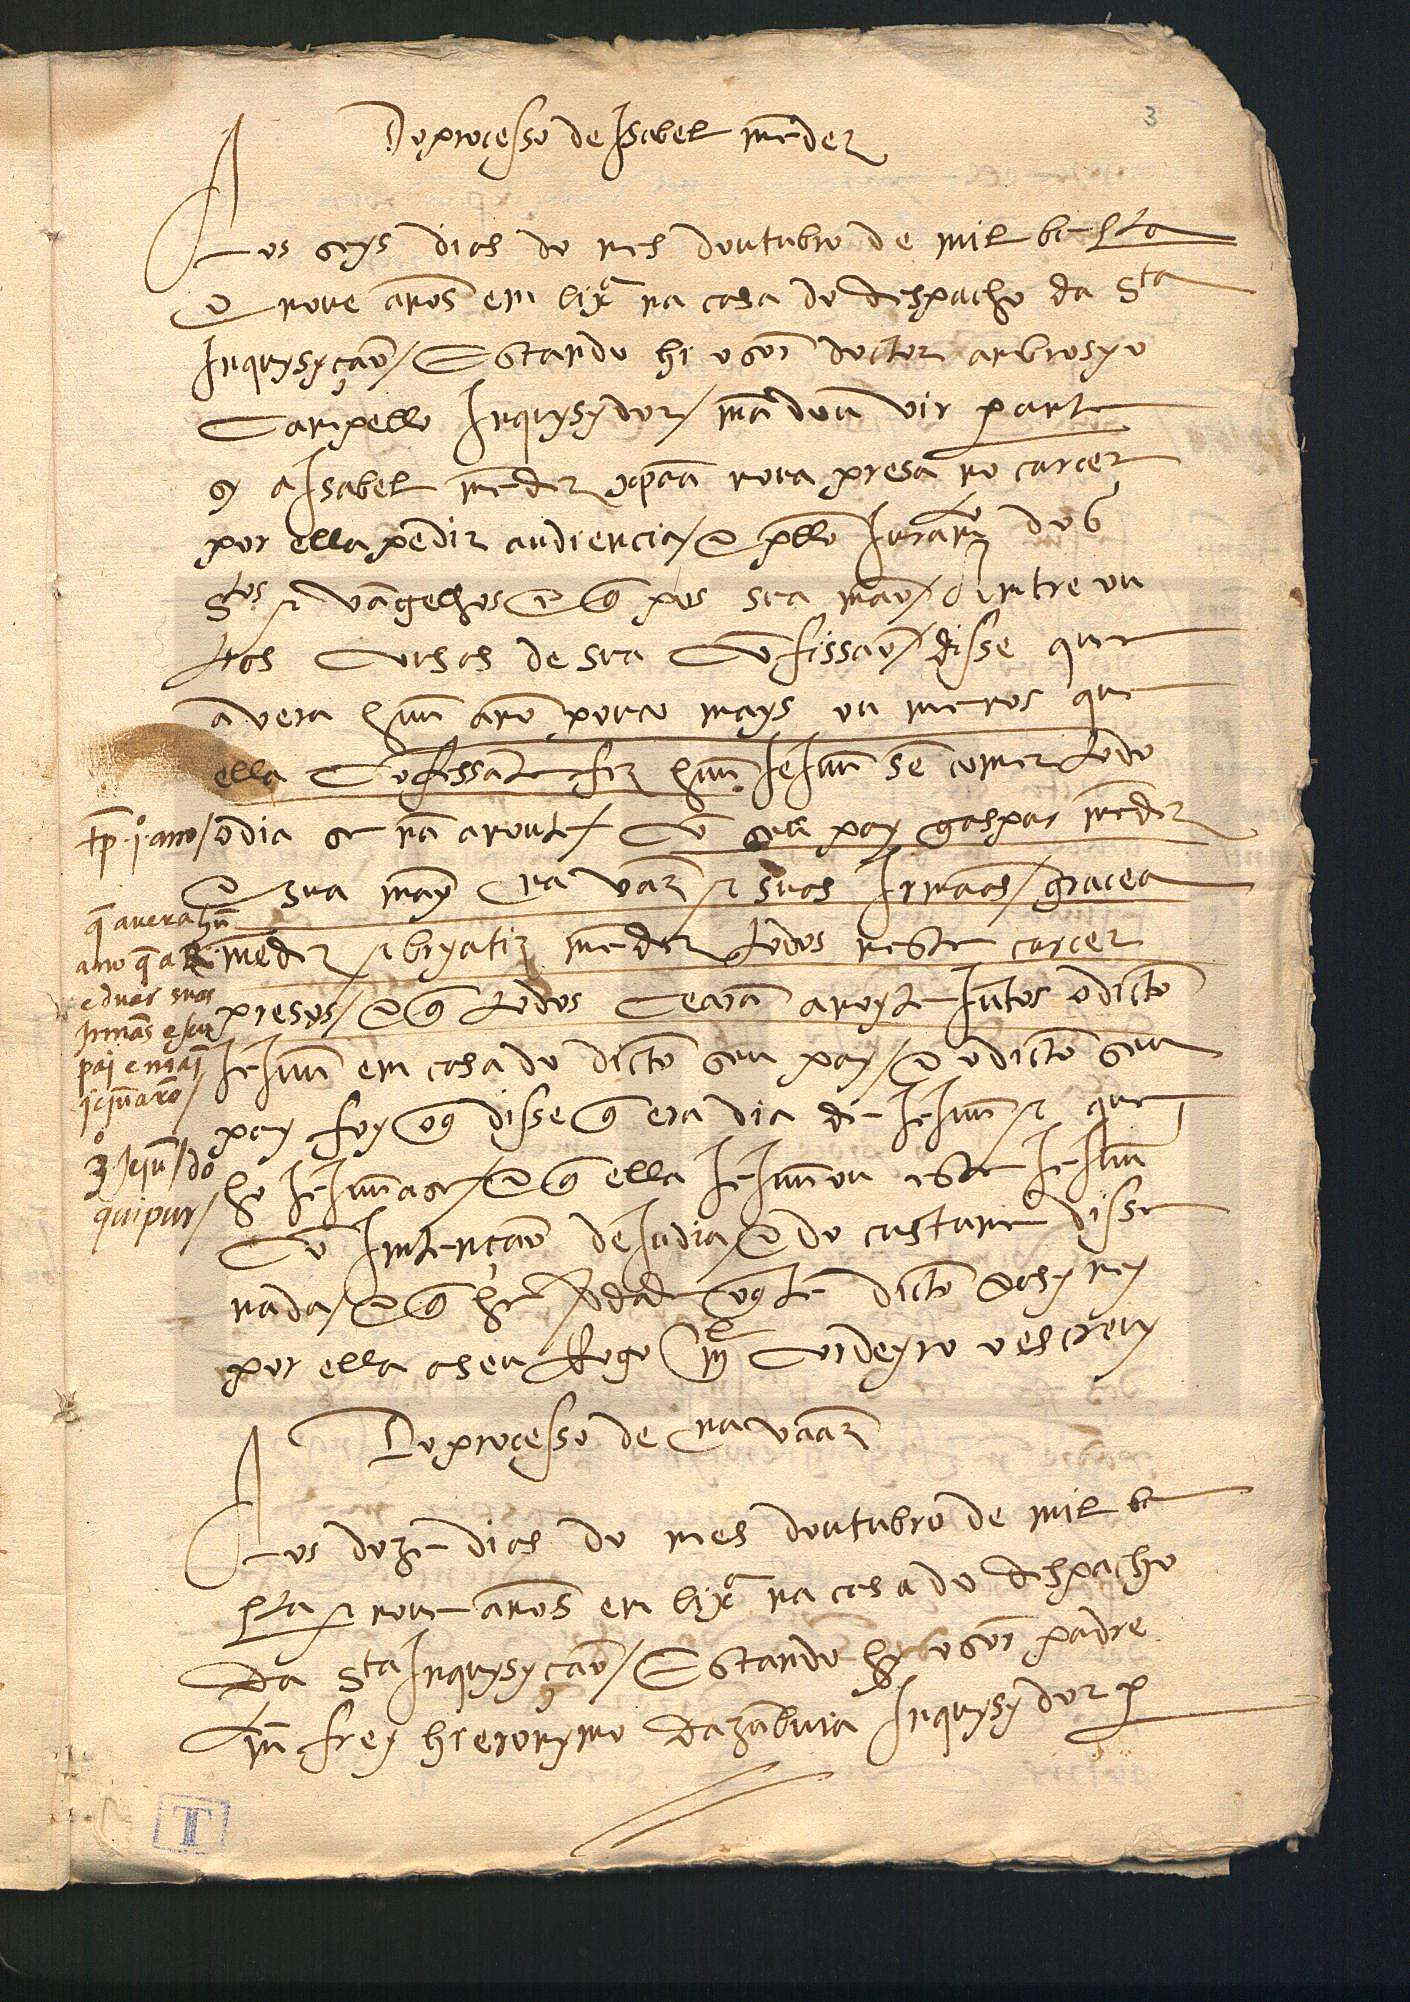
Do processo de Jsabel mēdez
Aos seys dias do mes doutubro de mil bc Lta
e noue an̄os em lixa na casa de despacho da Sta
Jnquysyção / Estando hi o sōr doctor ambrosyo
Campello Jnquysydor / m̄adou vir ꝑante
sy a Jsabel m̄edez xp̄aa noua presa no carcer
por ella pedir audiencia / e p̄llo Juramto dos
Stos evāgelhos ē q̄ pos sua mão / Amtre ou
tras Cousas de sua Cōfissaõ / disse que
avera hūu an̄o pouco mays ou menos que
ella Cōfessāte fez hūu JeJūu s̄e comer todo
o dia senā a noute / Cō seu pay gaspar m̄edez
e sua mãāy Cnv Vāz e suaJ Iāmãas / gracea
m̄edez e bryatiz m̄edez todos neste carcer
presos / e q̄ todos Cear̄a a noyte Jūtos o dic̄to
JeJūu em casa do dic̄to seu pay / e o dic̄to seu
pay foy o q̄ dise q̄ era dia de JeJuū e que
ho JeJūuase / e q̄ ella JeJūuou este JeJūu
Cō Jmtenção de Judia / e do custume disse
nada / e q̄ he ꝟdade o q̄ tē dic̄to e asyney
por ella a seu Rogo mel Cordeyro o escreuy
Do processo de Cna vāaz
Aos doze dias do mes doutubro de mil bc
Lta e noue ānos em lixa na casa do despacho
da Sta Inquysyção / Estando hy o sōr padre
mte frey hieronymo dazābuia Jnquysydor ꝑ
